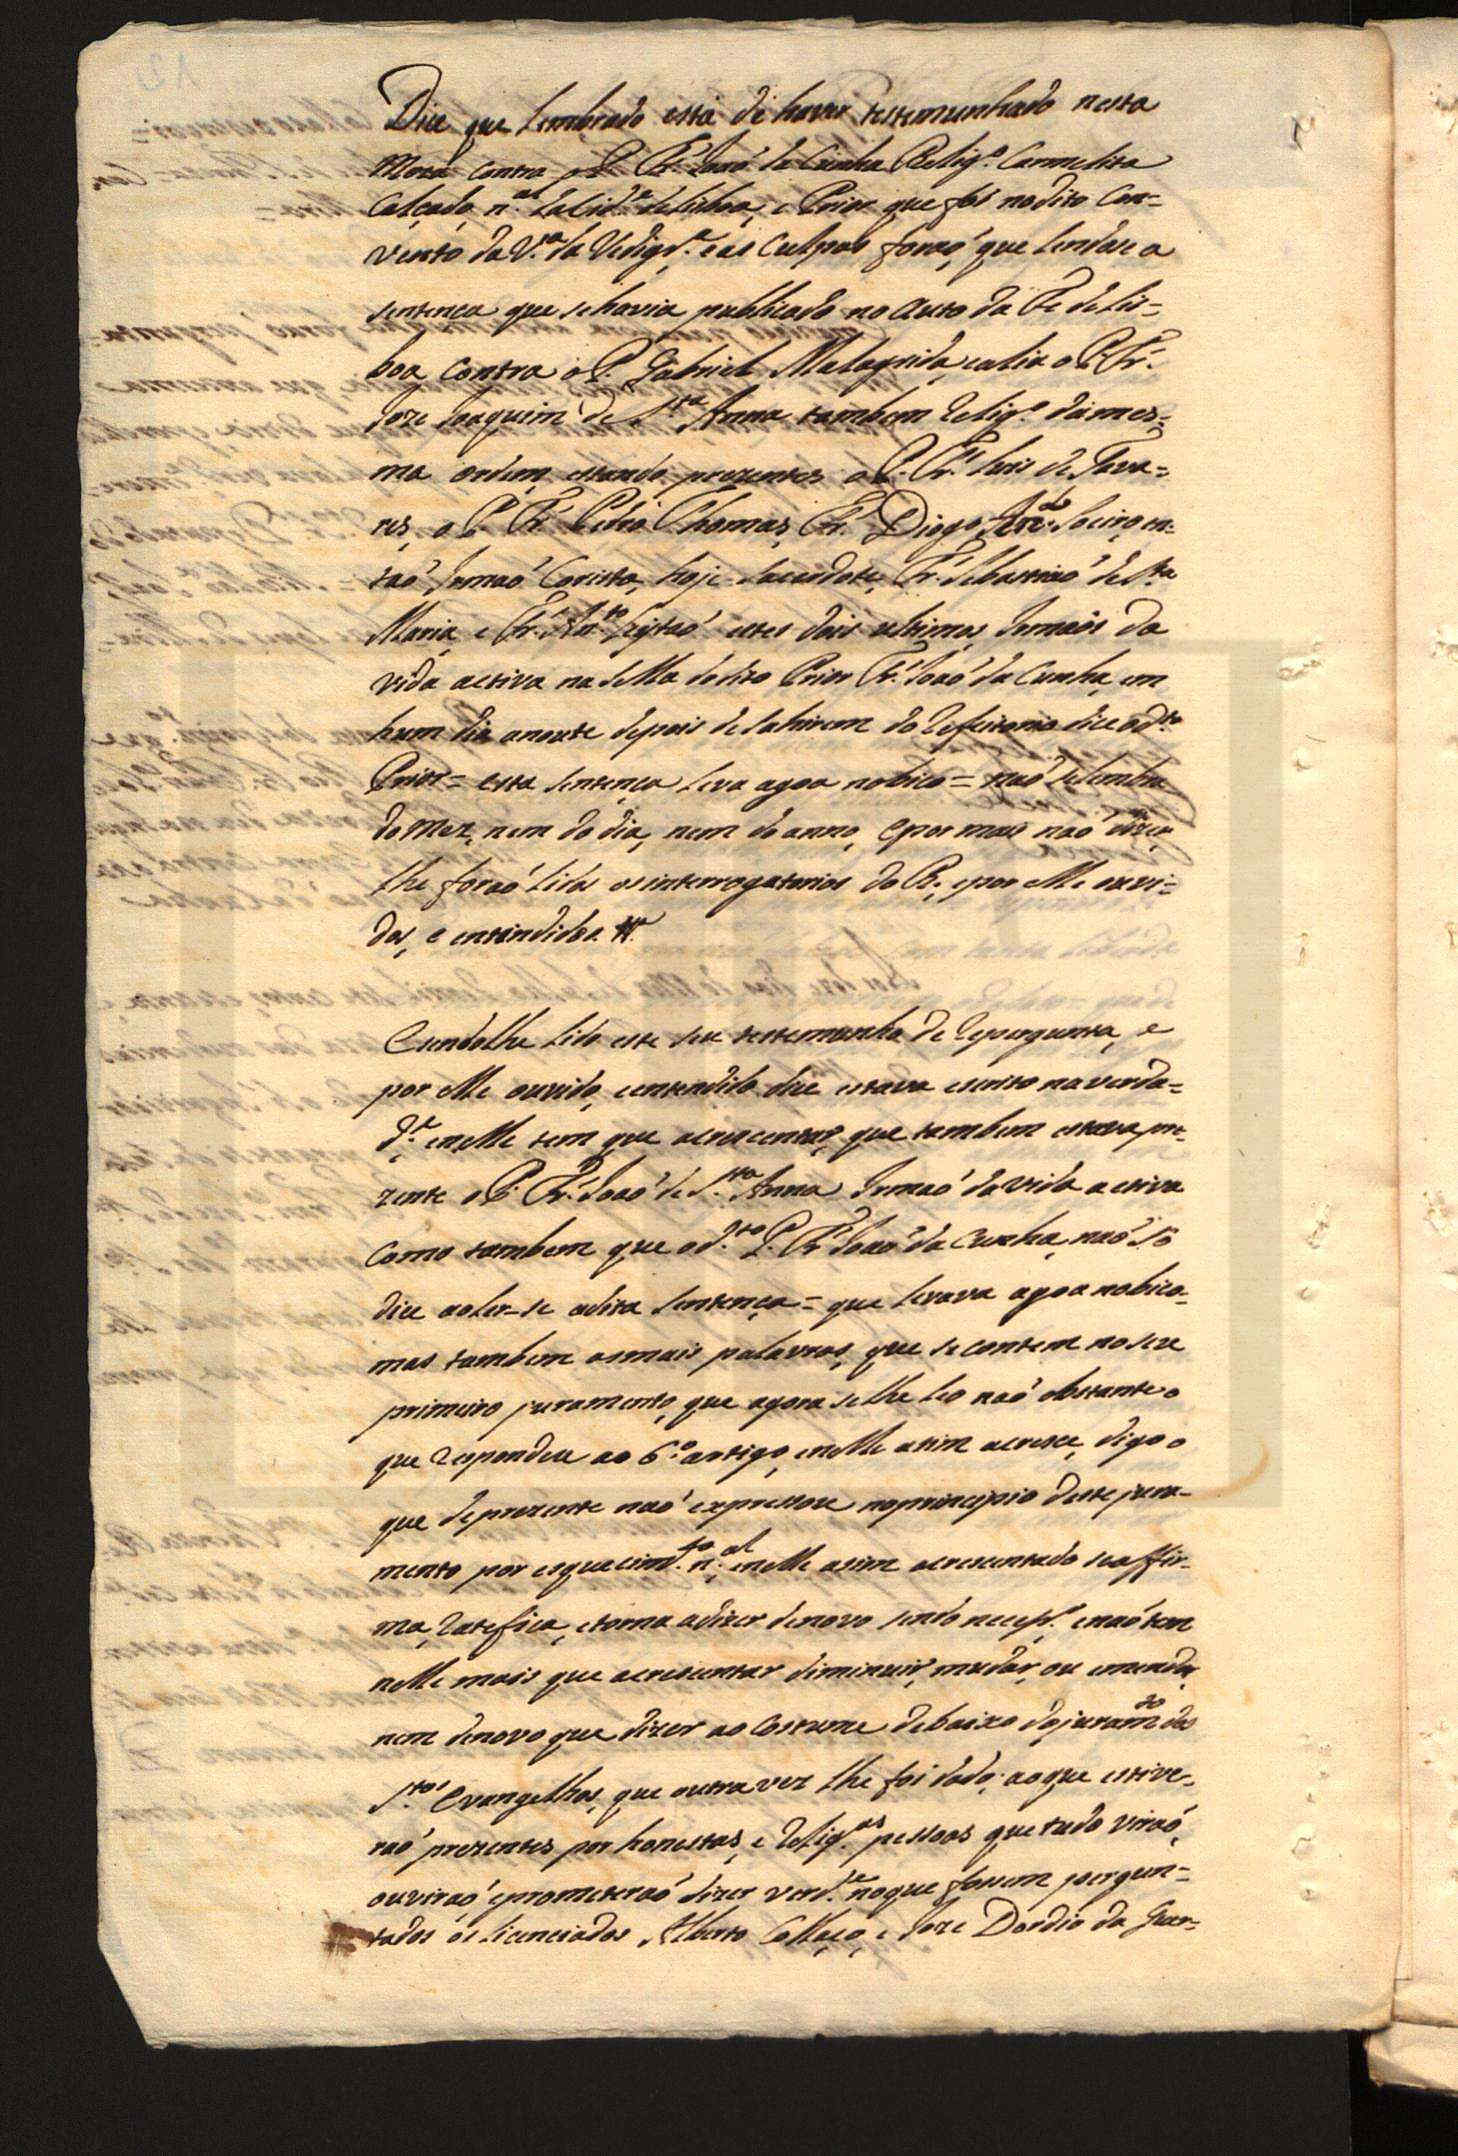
Dice que lembrado esta de haver testemunhado nesta
Meza contra o P. Fr̄. Ioaõ da Cunha Relig.o Carmelita
Calçado, n.al da Cid.e de Lisboa, e Prior que foi no dito Con
vento da V.a da Vidigr.a e as Culpas foraõ, que lendosse a
sentença que se havia publicado no auto da Fe de Lis
boa contra o P. Gabriel Malagrida, e a lia o P. Fr̄.
Ioze Ioaquim de S.ta Anna tambem Relig.o da mes
ma ordem, estando prezentes o P. Fr̄. Luis de Tava
res, o P. Fr̄. Pedro Thomas, Fr̄. Diogo An.to Soeiro, en
taõ Irmaõ Corista, hoje Sacerdote, Fr̄. Sebastiaõ de S.ta
Maria, e Fr̄. An.to Leytaõ estes dois ultimos Irmaõs da
vida activa na Sella do dito Prior Fr̄. Ioaõ da Cunha, em
hum dia a noute depois de sahirem do Refeitorio dice o d.to
Prior = esta sentença leva agoa no bico = naõ se lembra
do mez, nem do dia, nem do anno, e por mais naõ dizia,
lhe foraõ lidos os interrogatorios do R; e por elle ouvi
dos, e entindidos. etc
E sendo-lhe lido este seu testemunho de Repergunta, e
por elle ouvido, e entendido dice estava escrito na verda
d;e e nelle tem que acrescentar, que tambem estava pre
zente o P. Fr̄. Ioaõ de S.ta Anna Irmaõ da vida activa
como tambem que o d.to P.Fr̄. Ioaõ da Cunha, naõ só
dice ao ler-se a dita sentença = que levava agoa no bico =
mas tambem as mais palavras, que se contem no seu
primeiro juramento, que agora se lhe leo naõ obstante o
que respondeu ao 6.o artigo, e nelle assim acresce, digo o
que de prezente naõ expressou no principio deste jura
mento por esquecim.to n;al e nelle asim acrescentado se affir
ma, Ratifica, e torna a dizer de novo sendo necess.o e naõ tem
nelle mais que acrescentar diminuir, mudar, ou emendar
nem de novo que dizer ao costume debaixo do juram.to dos
s.tos Evangelhos, que outra vez lhe foi dado; ao que estive
raõ prezentes por honestas, e Relig.as pessoas que tudo viraõ,
ouviraõ, e prometeraõ dizer verd.e no que fossem pergun
tados os licenciados, Alberto Collaço e Ioze Dordio da Guer
